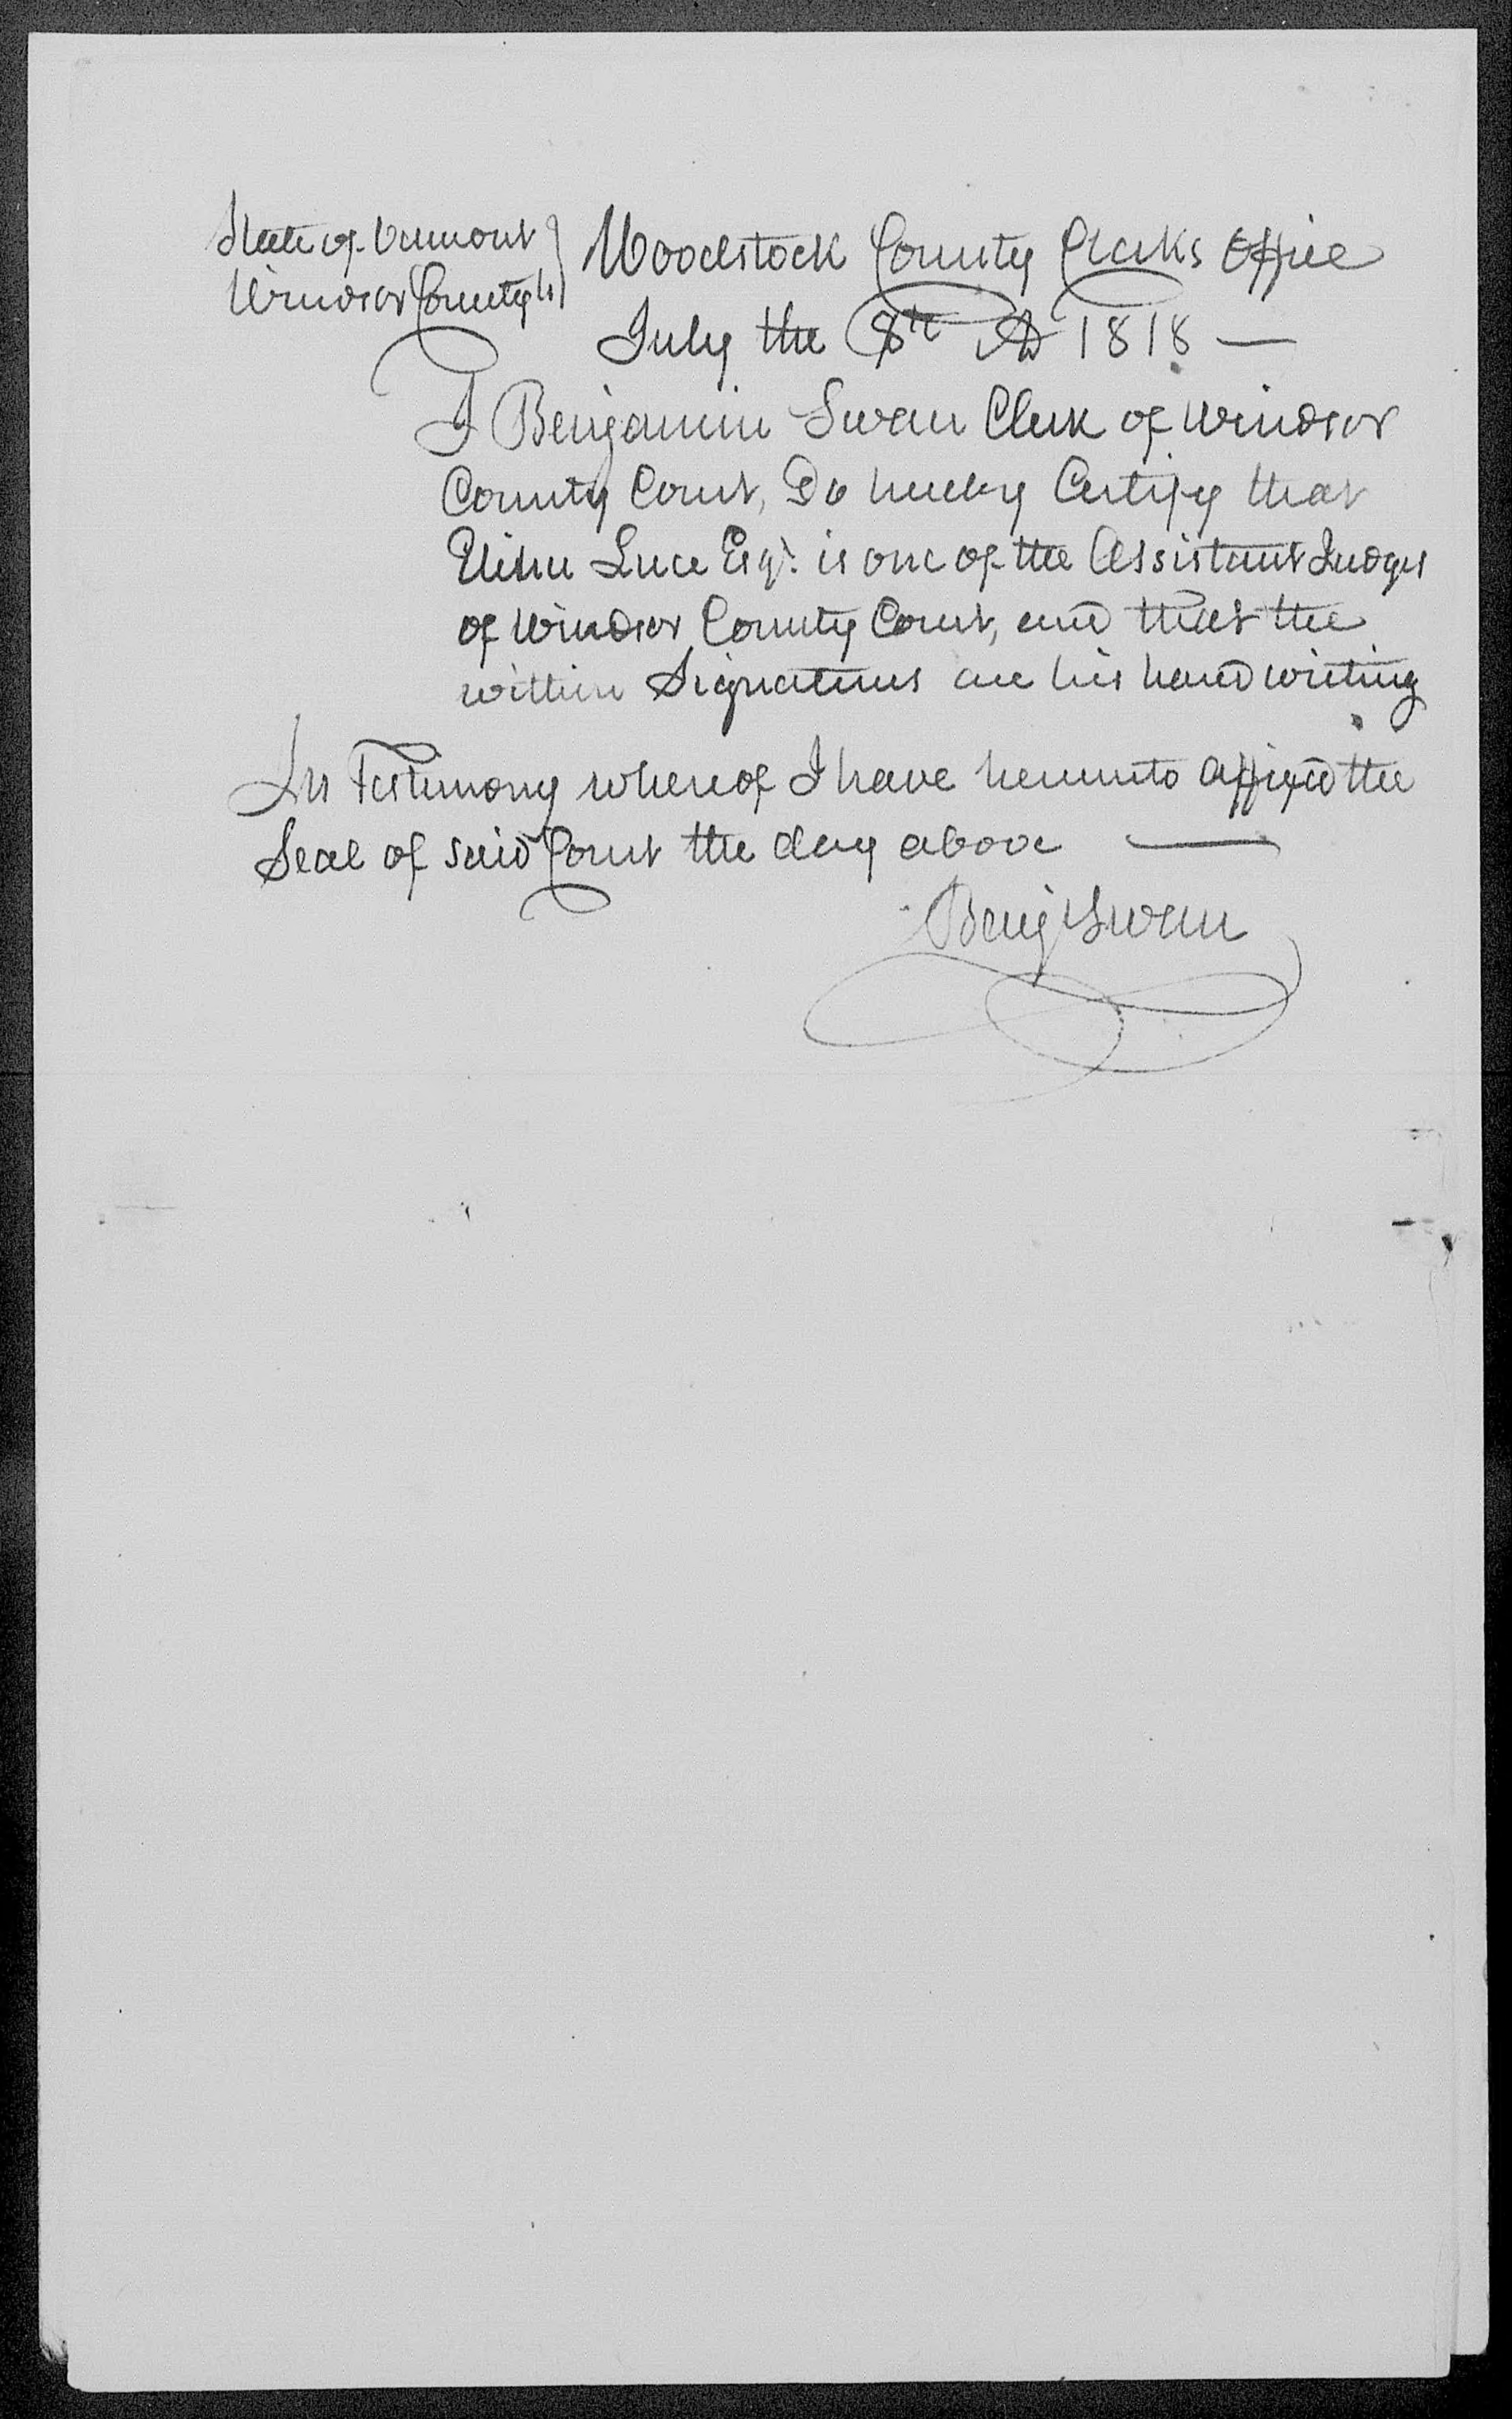State of Vermont
Windsor County 
Woodstock County Clerks Office
July the 8th AD 1818
I Benjamin Swan Clerk of Windsor County Court do hereby certify that Elihu Luce is one of the Assistant Judges of Windsor County Court, and that the written signatures are his hand writing. 
In Testimony whereof I have hereunto affixed the seal of said Court the day above
Benj Swan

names: Elihu Luce, Benj Swan, Benjamin Swan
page: 4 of 83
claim: widow's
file: W. 10,384, Oliver Barrett, Continental (Vt.) N.Y.